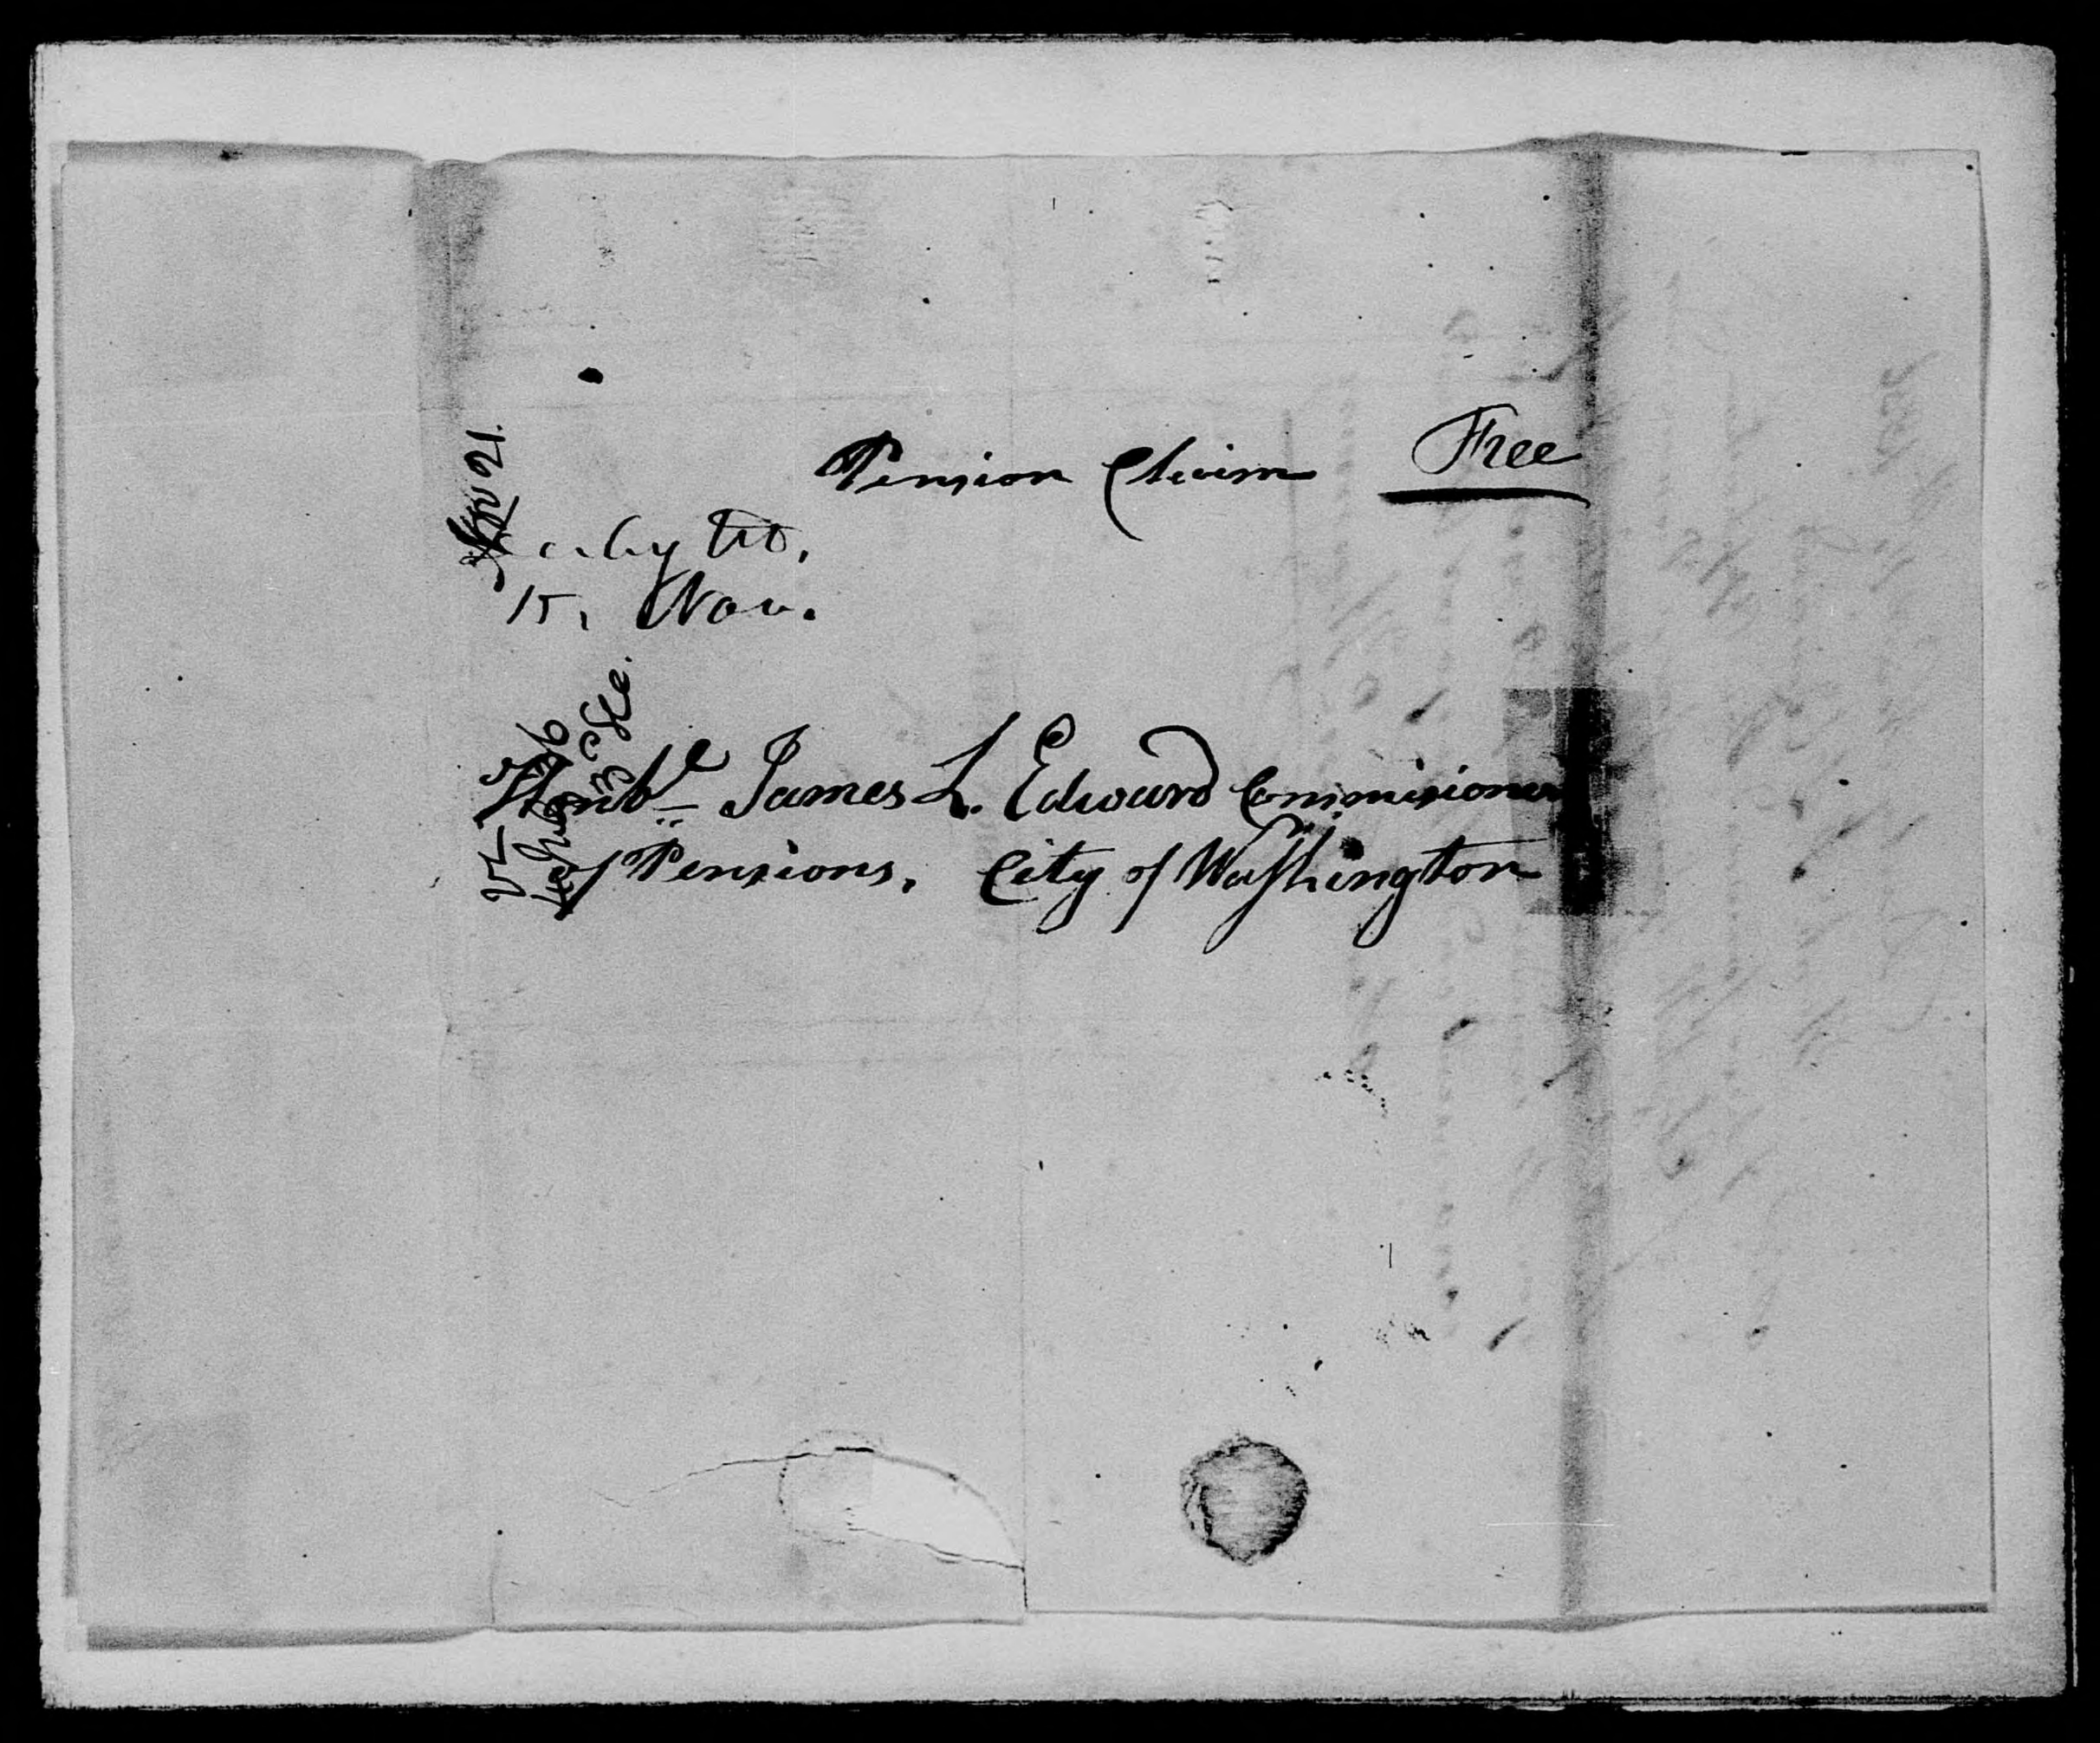Pension Claim    Free [underlined]

Derby Vt.
15. Nov.

Honb'l James L. Edward Commissioner
of Pensions,  City of Wafhington

[written vertially on page]

Nov 21.

Vt
4 July '36
3d Sec.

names: James L Edwards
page: 25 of 29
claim: widow's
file: W. 24,282, Nathaniel Glines, N.H.